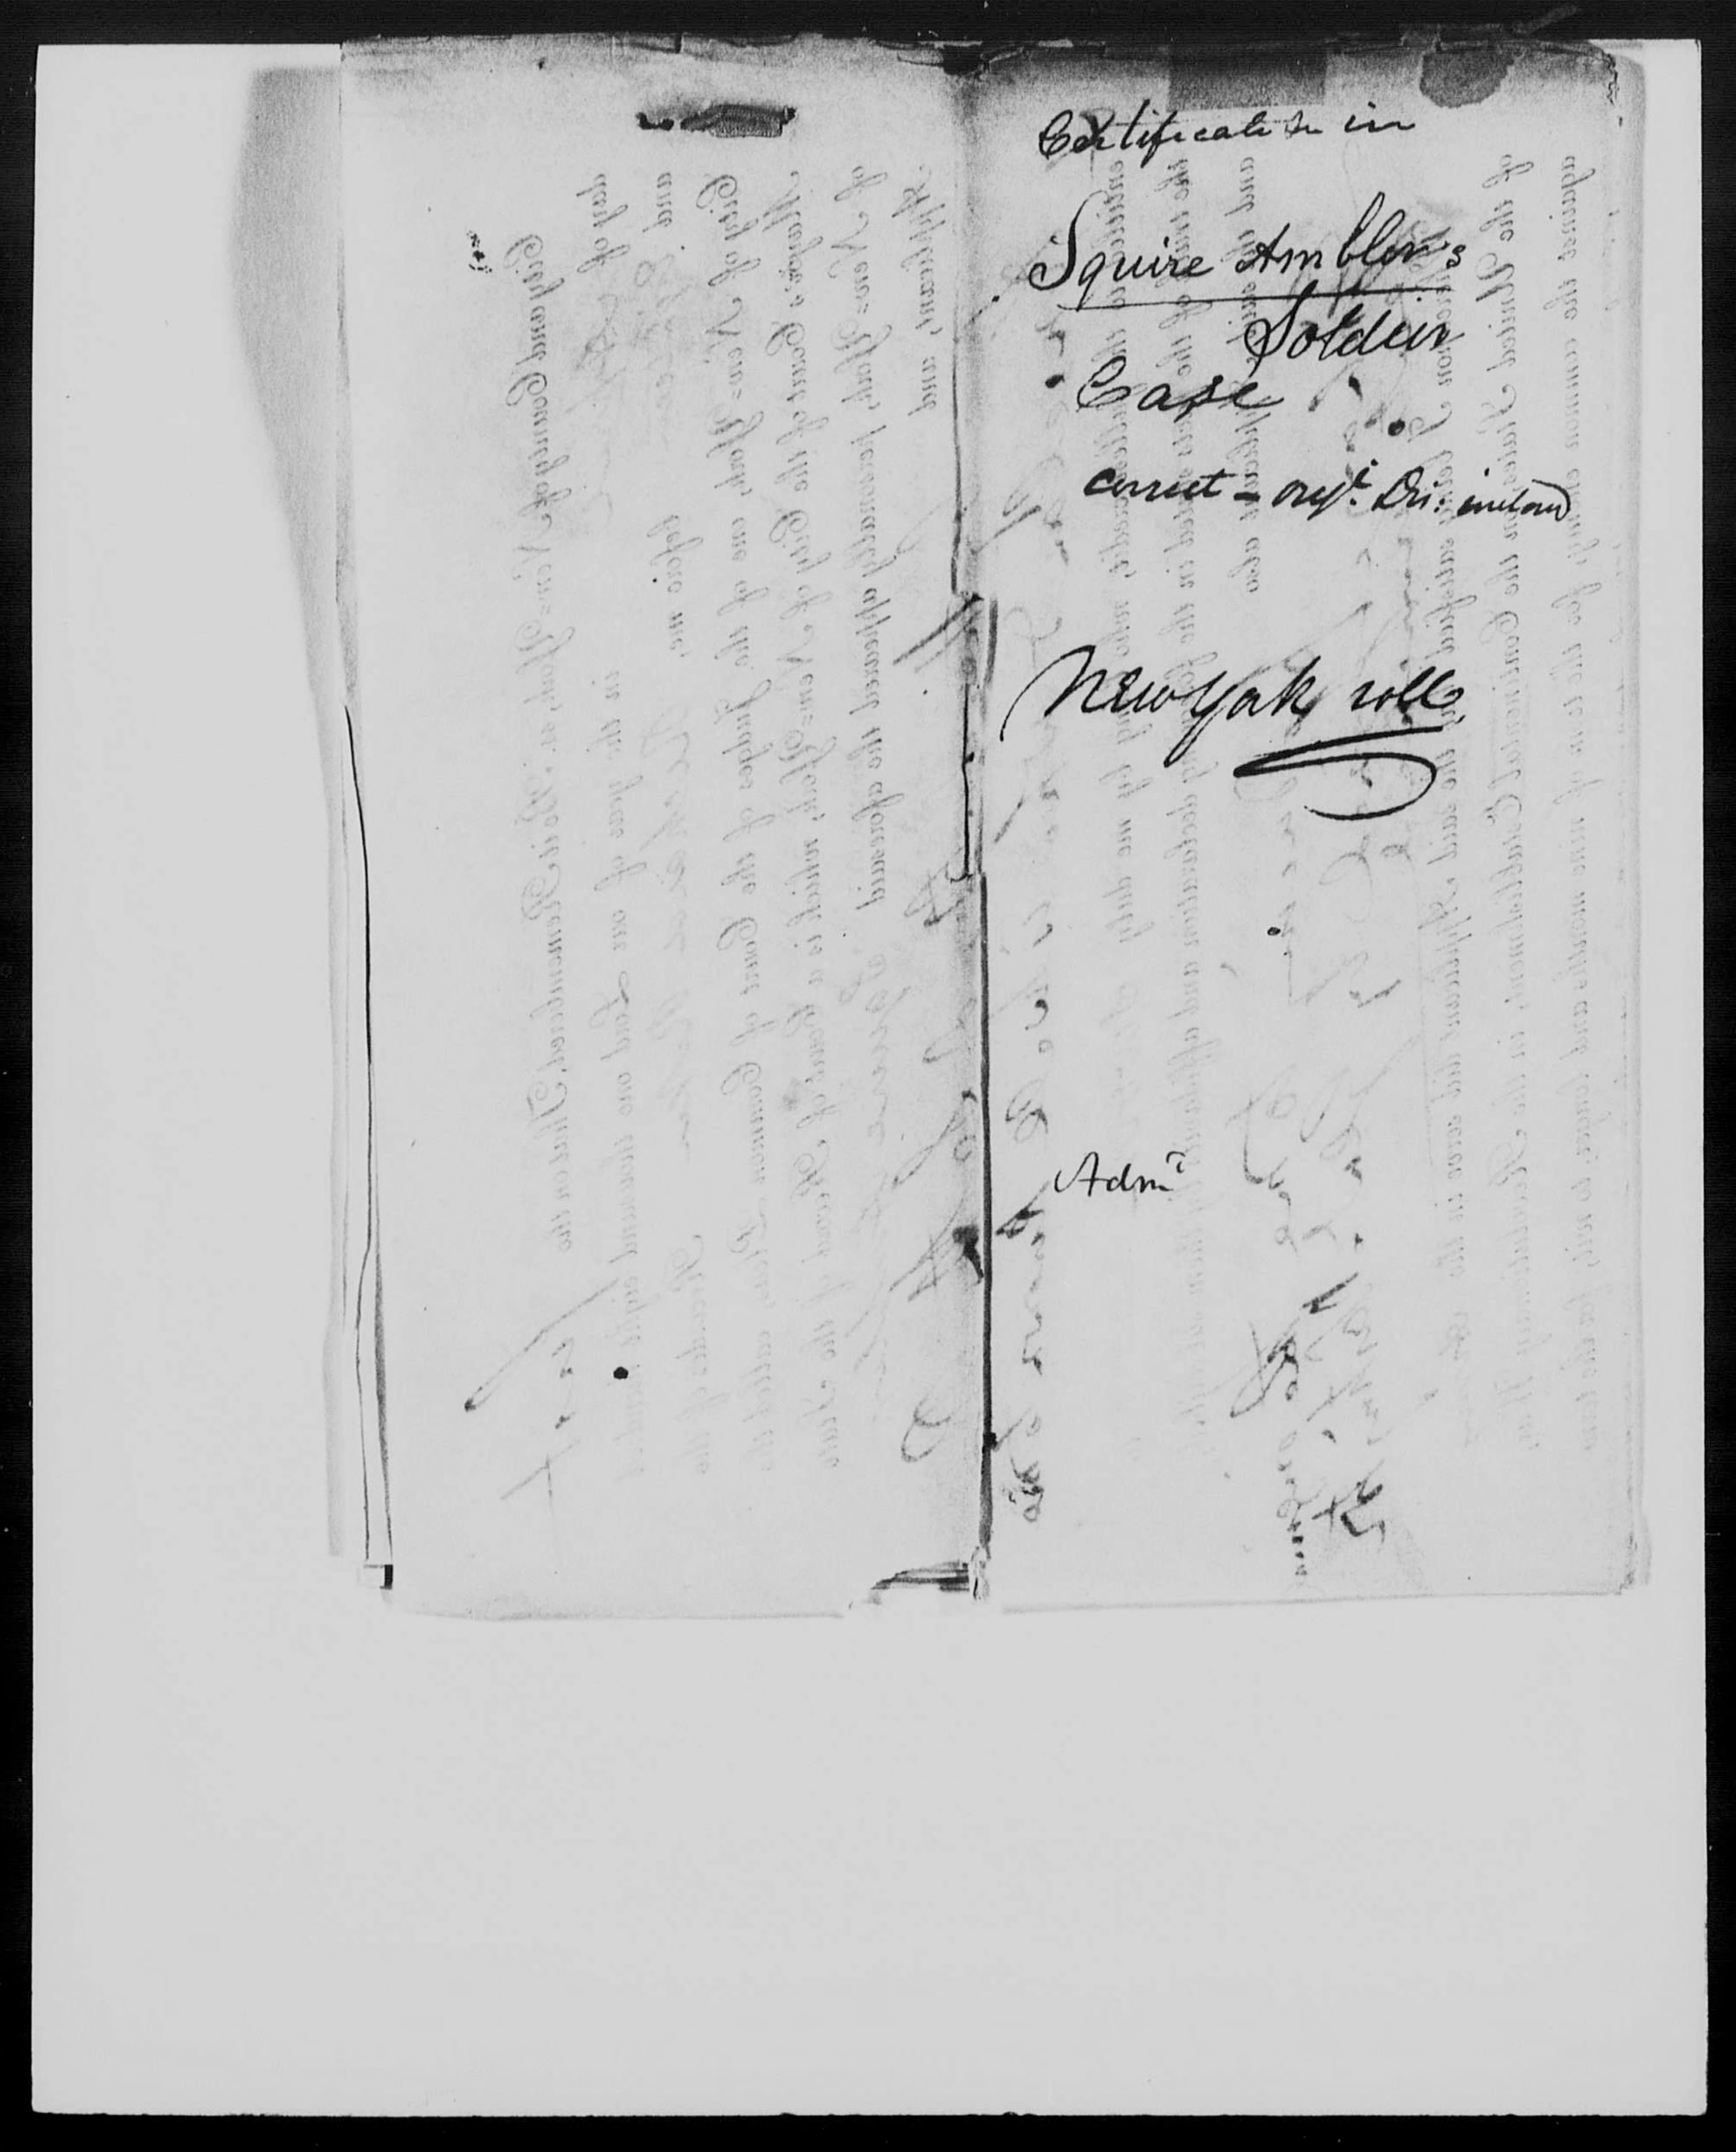Certificate in
Squire Ambler's
Soldier Case
correct-[illegible]
New York roll
Adm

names: Squire Ambler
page: 10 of 39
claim: widow's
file: W. 2,056, Squire Ambler, Continental (Sol. Res. In N.Y. & Conn.)